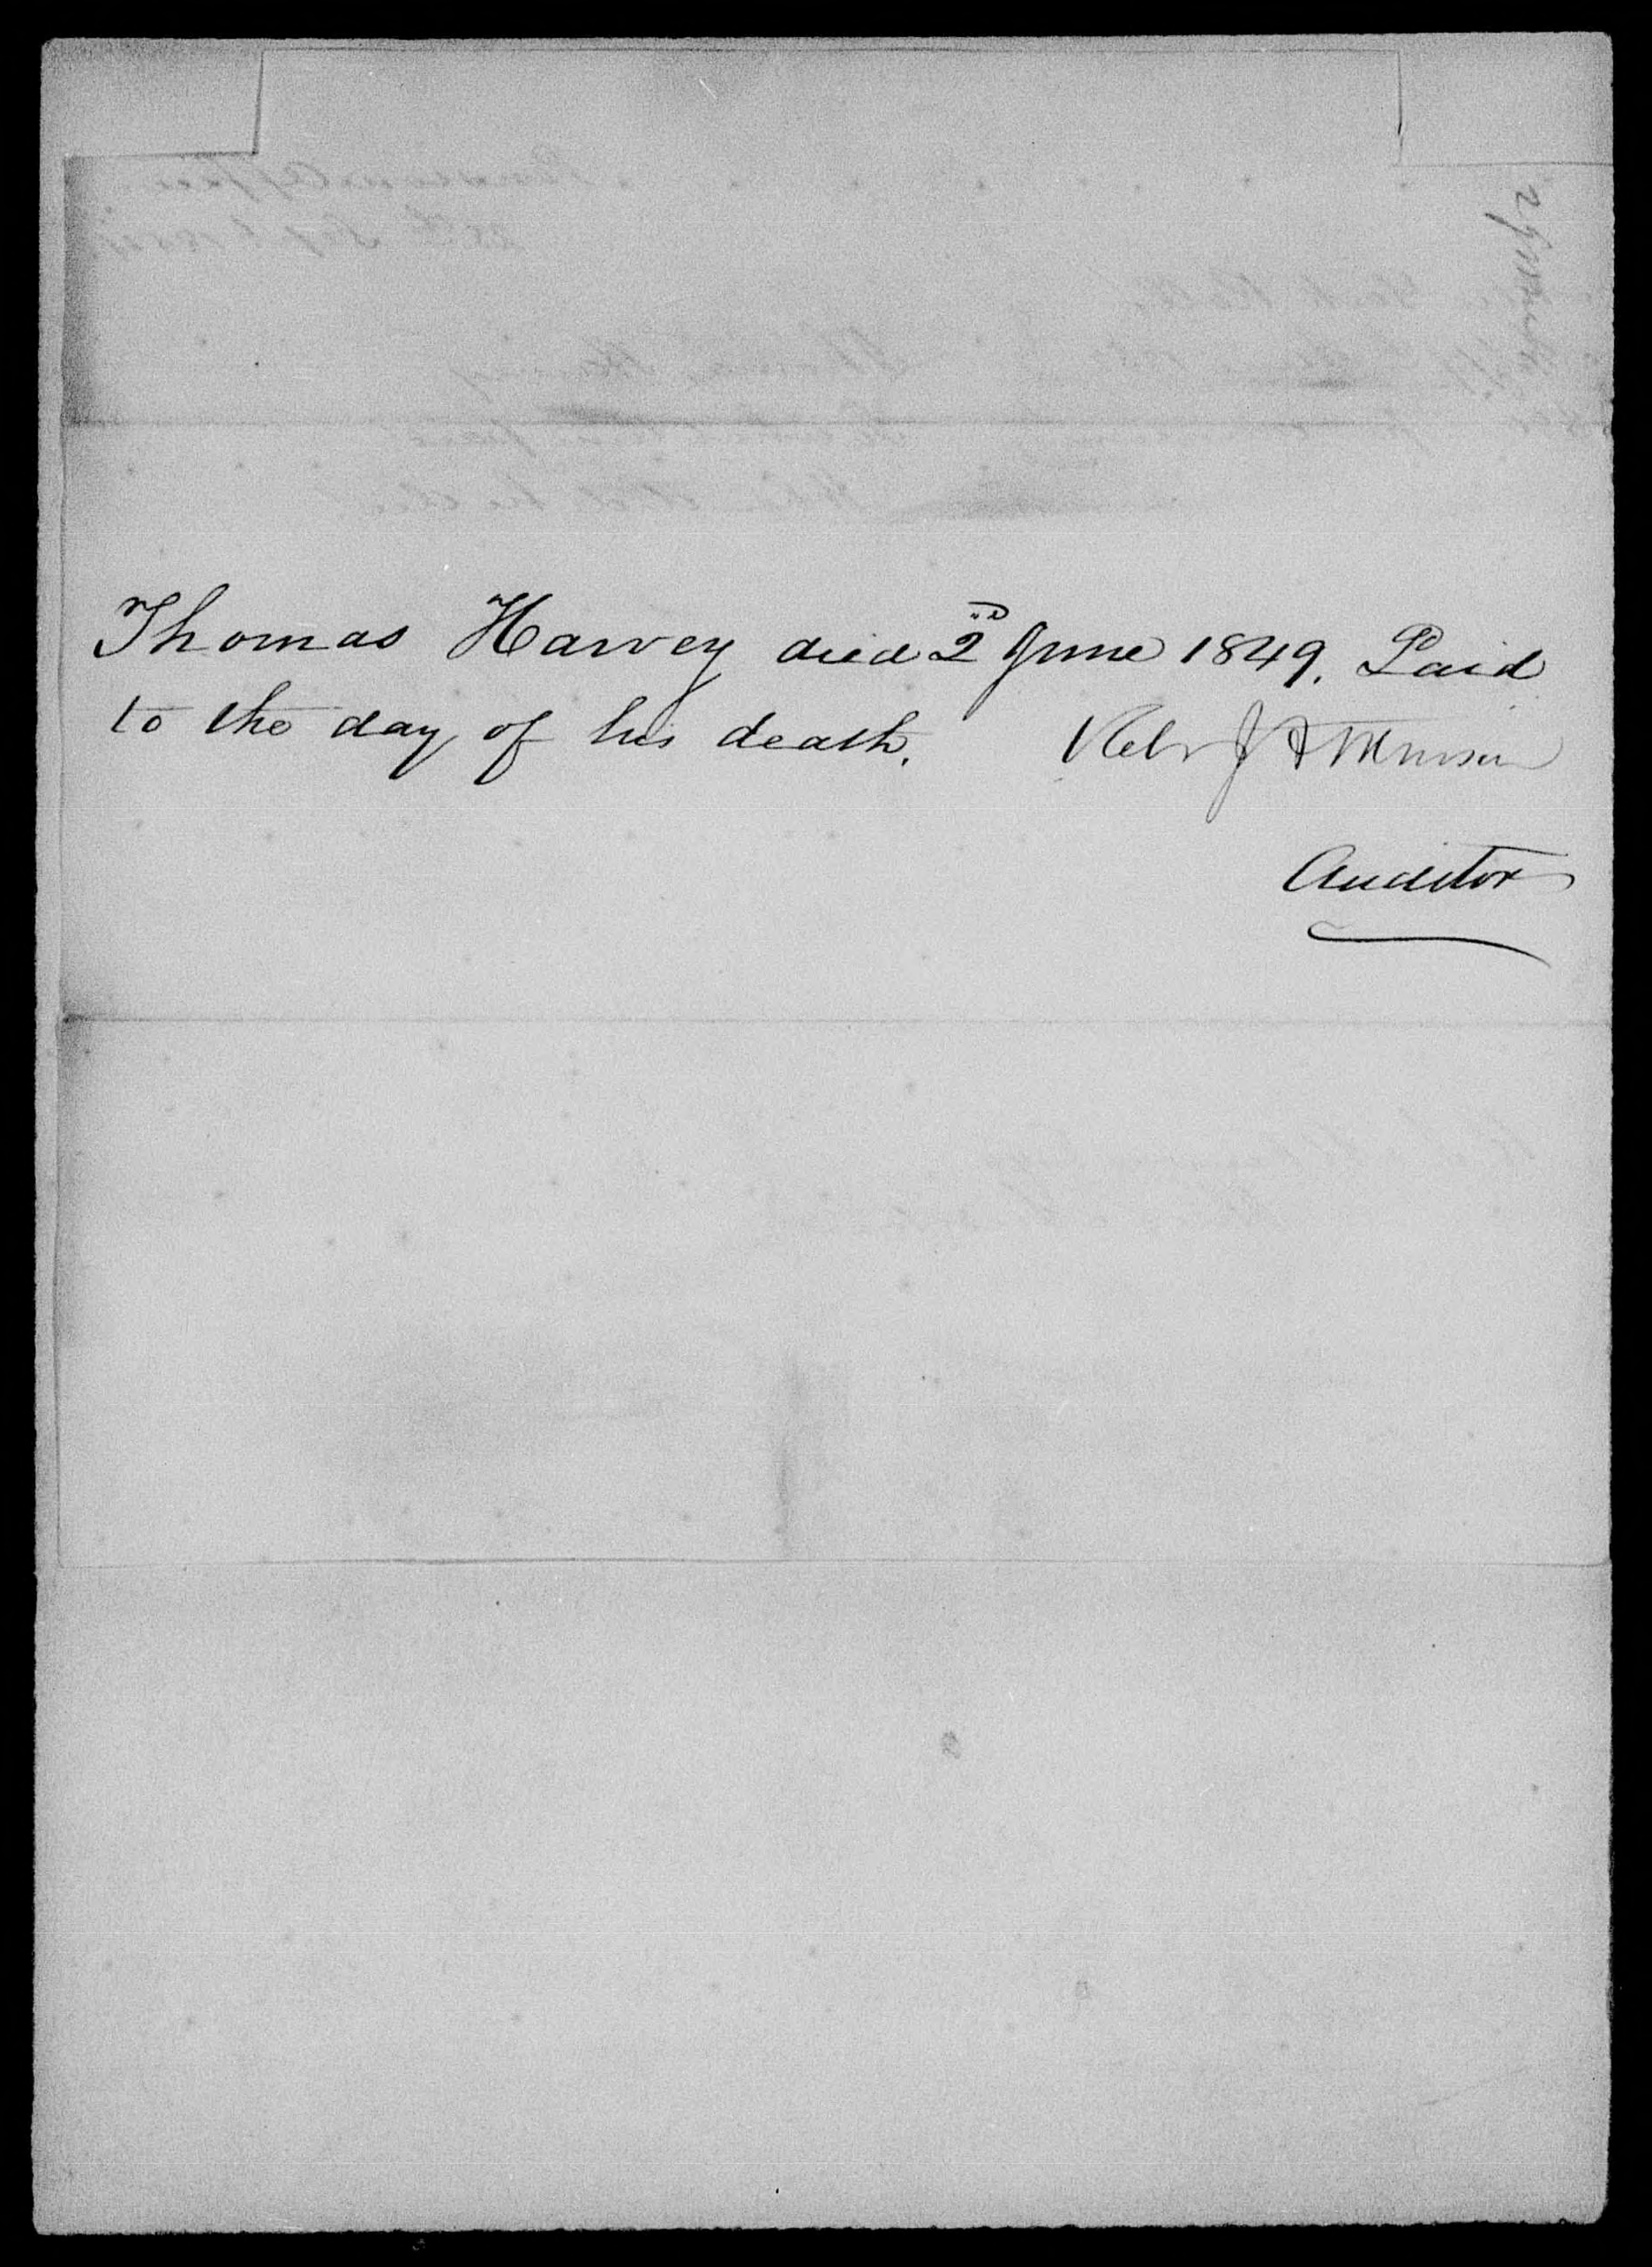Thomas Harvey died 2d June 1849. Paid to the day of his death. 
/s/Robt J. Atkinson Auditor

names: Robt J Atkinson, Thomas Harvey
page: 41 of 80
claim: survivor's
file: S. 18008, Thomas Harvey, N.H.